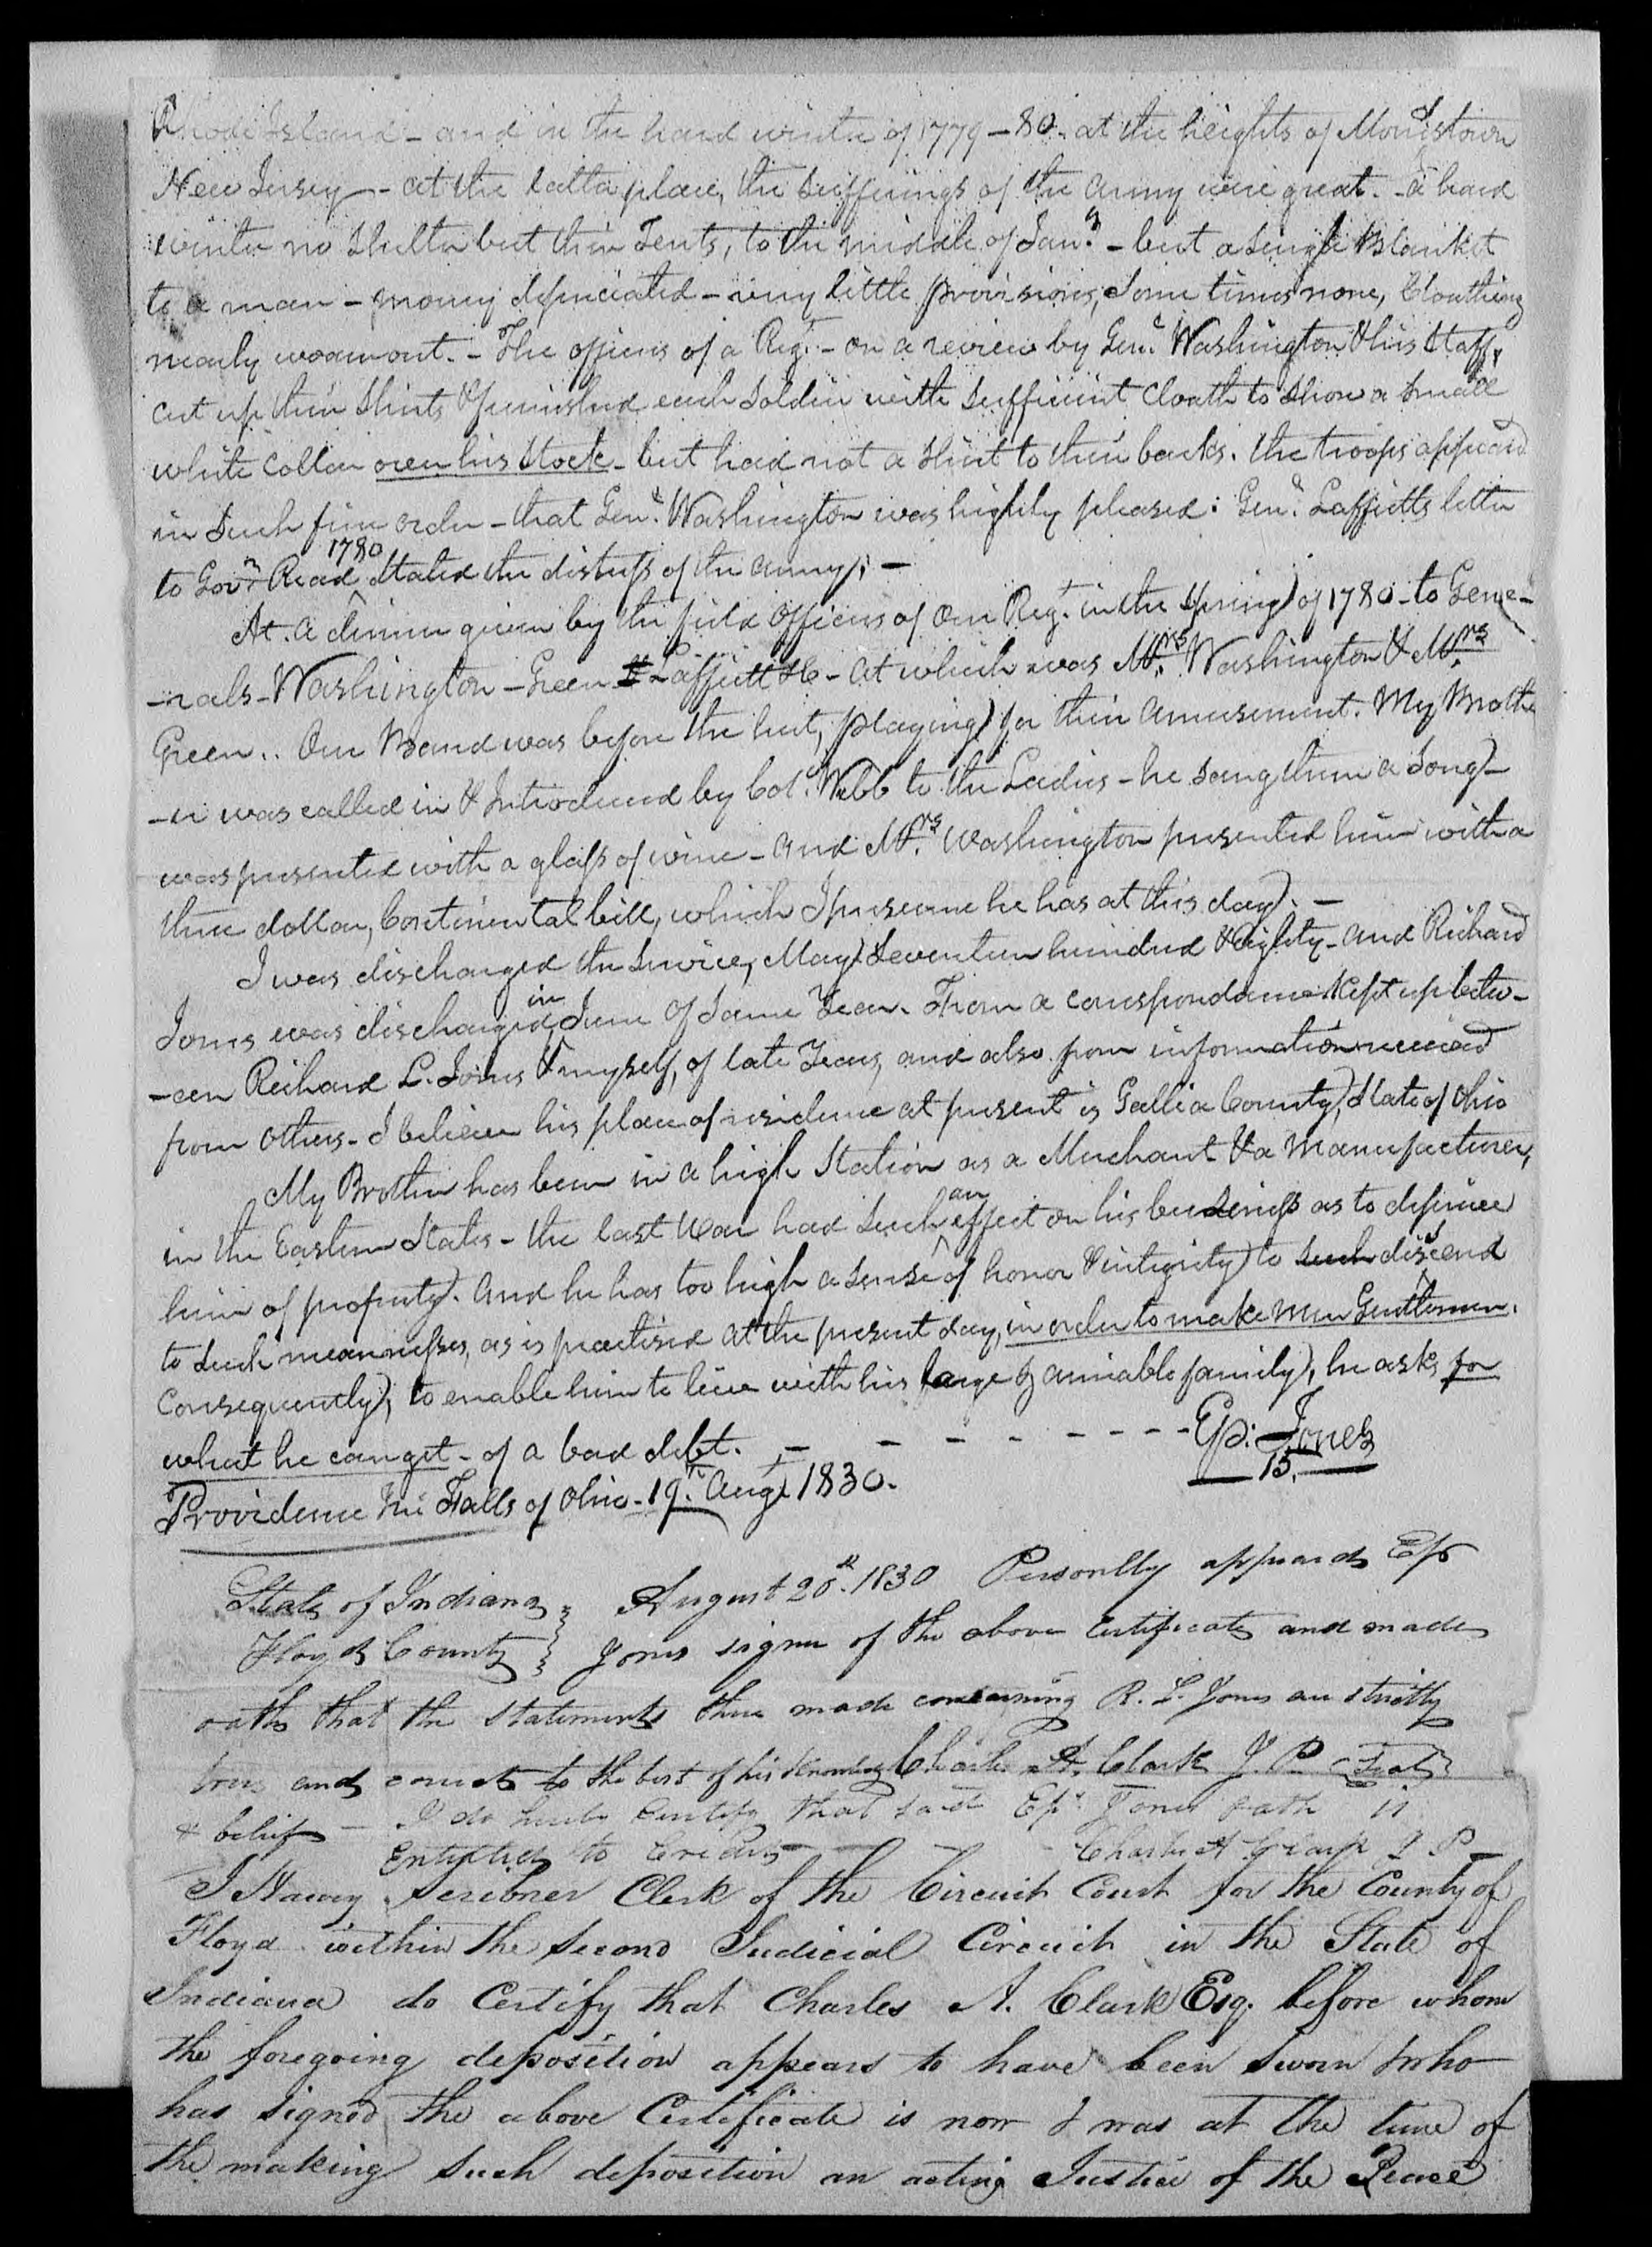Rhode Island and in the hard winter of 1779 -So at the heights of Morristown
New Jersey-- at the latter place, the sufferings of the army were great, and hard
winter no Shelter but their tents, to the middle of Jany [January]-- but a single Blanket
to a man-- money depreciated-- very little provisions, some times none, cloathing [clothing] nearly worn out.-- The officers of a Regt.-on a review by Genl. Washington & his staff cut up their shirts & furnished each soldier with sufficient cloath [cloth]to show a small white Collar on his stock-- but had not a shirt to their backs, the troops appreciated
in such fine order-- that Gen. Washington was highly pleased. Genl. Laffitts [Lafayette] letter
to Govr. Read ^ 1780 stated the distress of the army.-
At dinner given by the field officers of our Regt in the spring of 1780 to Genl. Washington - Genl. Laffitt [Lafayette] - at which was Mrs Washington & Mrs Green. Our board was before the host, playing for their amusement. My Brother was called in & Introduced by Col. Webb to the Ladies-- he sang them a song
was presented with a glass of wine- and Mrs Washington presented him with a
three dollar, Continental bill, which I presume he has at this day.-
I was discharged the service, May Seventeen hundred & eighty, and Richard
Jones was discharge in June of same year. From a correspondence kept up between
Richard L. Johns & myself, of late years, and also from information received
from others, I believe his place of residence at present is Gallia County, State of Ohio
My Brother has been in a high station, as a Merchant & a manufacturer;
in the Eastern States, the last war had such an effect on his business as to deprive
him of property, and he has too high a sense of honor & integrity to such descend
to such meannesses, as is practiced at the present day, in order to make men gentlemen.
Consequently, to enable him to live with his large & amiable family, he asks for
what he can get- of a bad debt.
Providence [illegible] Falls of Ohio-- 19th Augt 1830.
Ep: Jones
15
State of Indiana 
Floyd County
August 20th 1830 Personally appeared
Ep. Jones signer of the above certificate and made oath that the statements there made concerning R. Jones and strictly true and
correct to the best of his knowledge & belief Charles A. Clark J.P. [handwritten seal]
 
I do hereby certify that said Ep. Jones Oath is
entitled to credit
Charles A Clark J P.
I Harvey Scribner Clerk of the Circuit Court for the County of
Floyd within the second Judicial Circuit in the State of
Indiana do Certify that Charles A. Clark Esq. before whom
the foregoing deposition appears to have been sworn who
has signed the above certificate is now & was at the time of
the making such deposition an acting Justice of the Peace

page: 40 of 62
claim: widow's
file: W. 765, for Richard L Jones, Connecticut